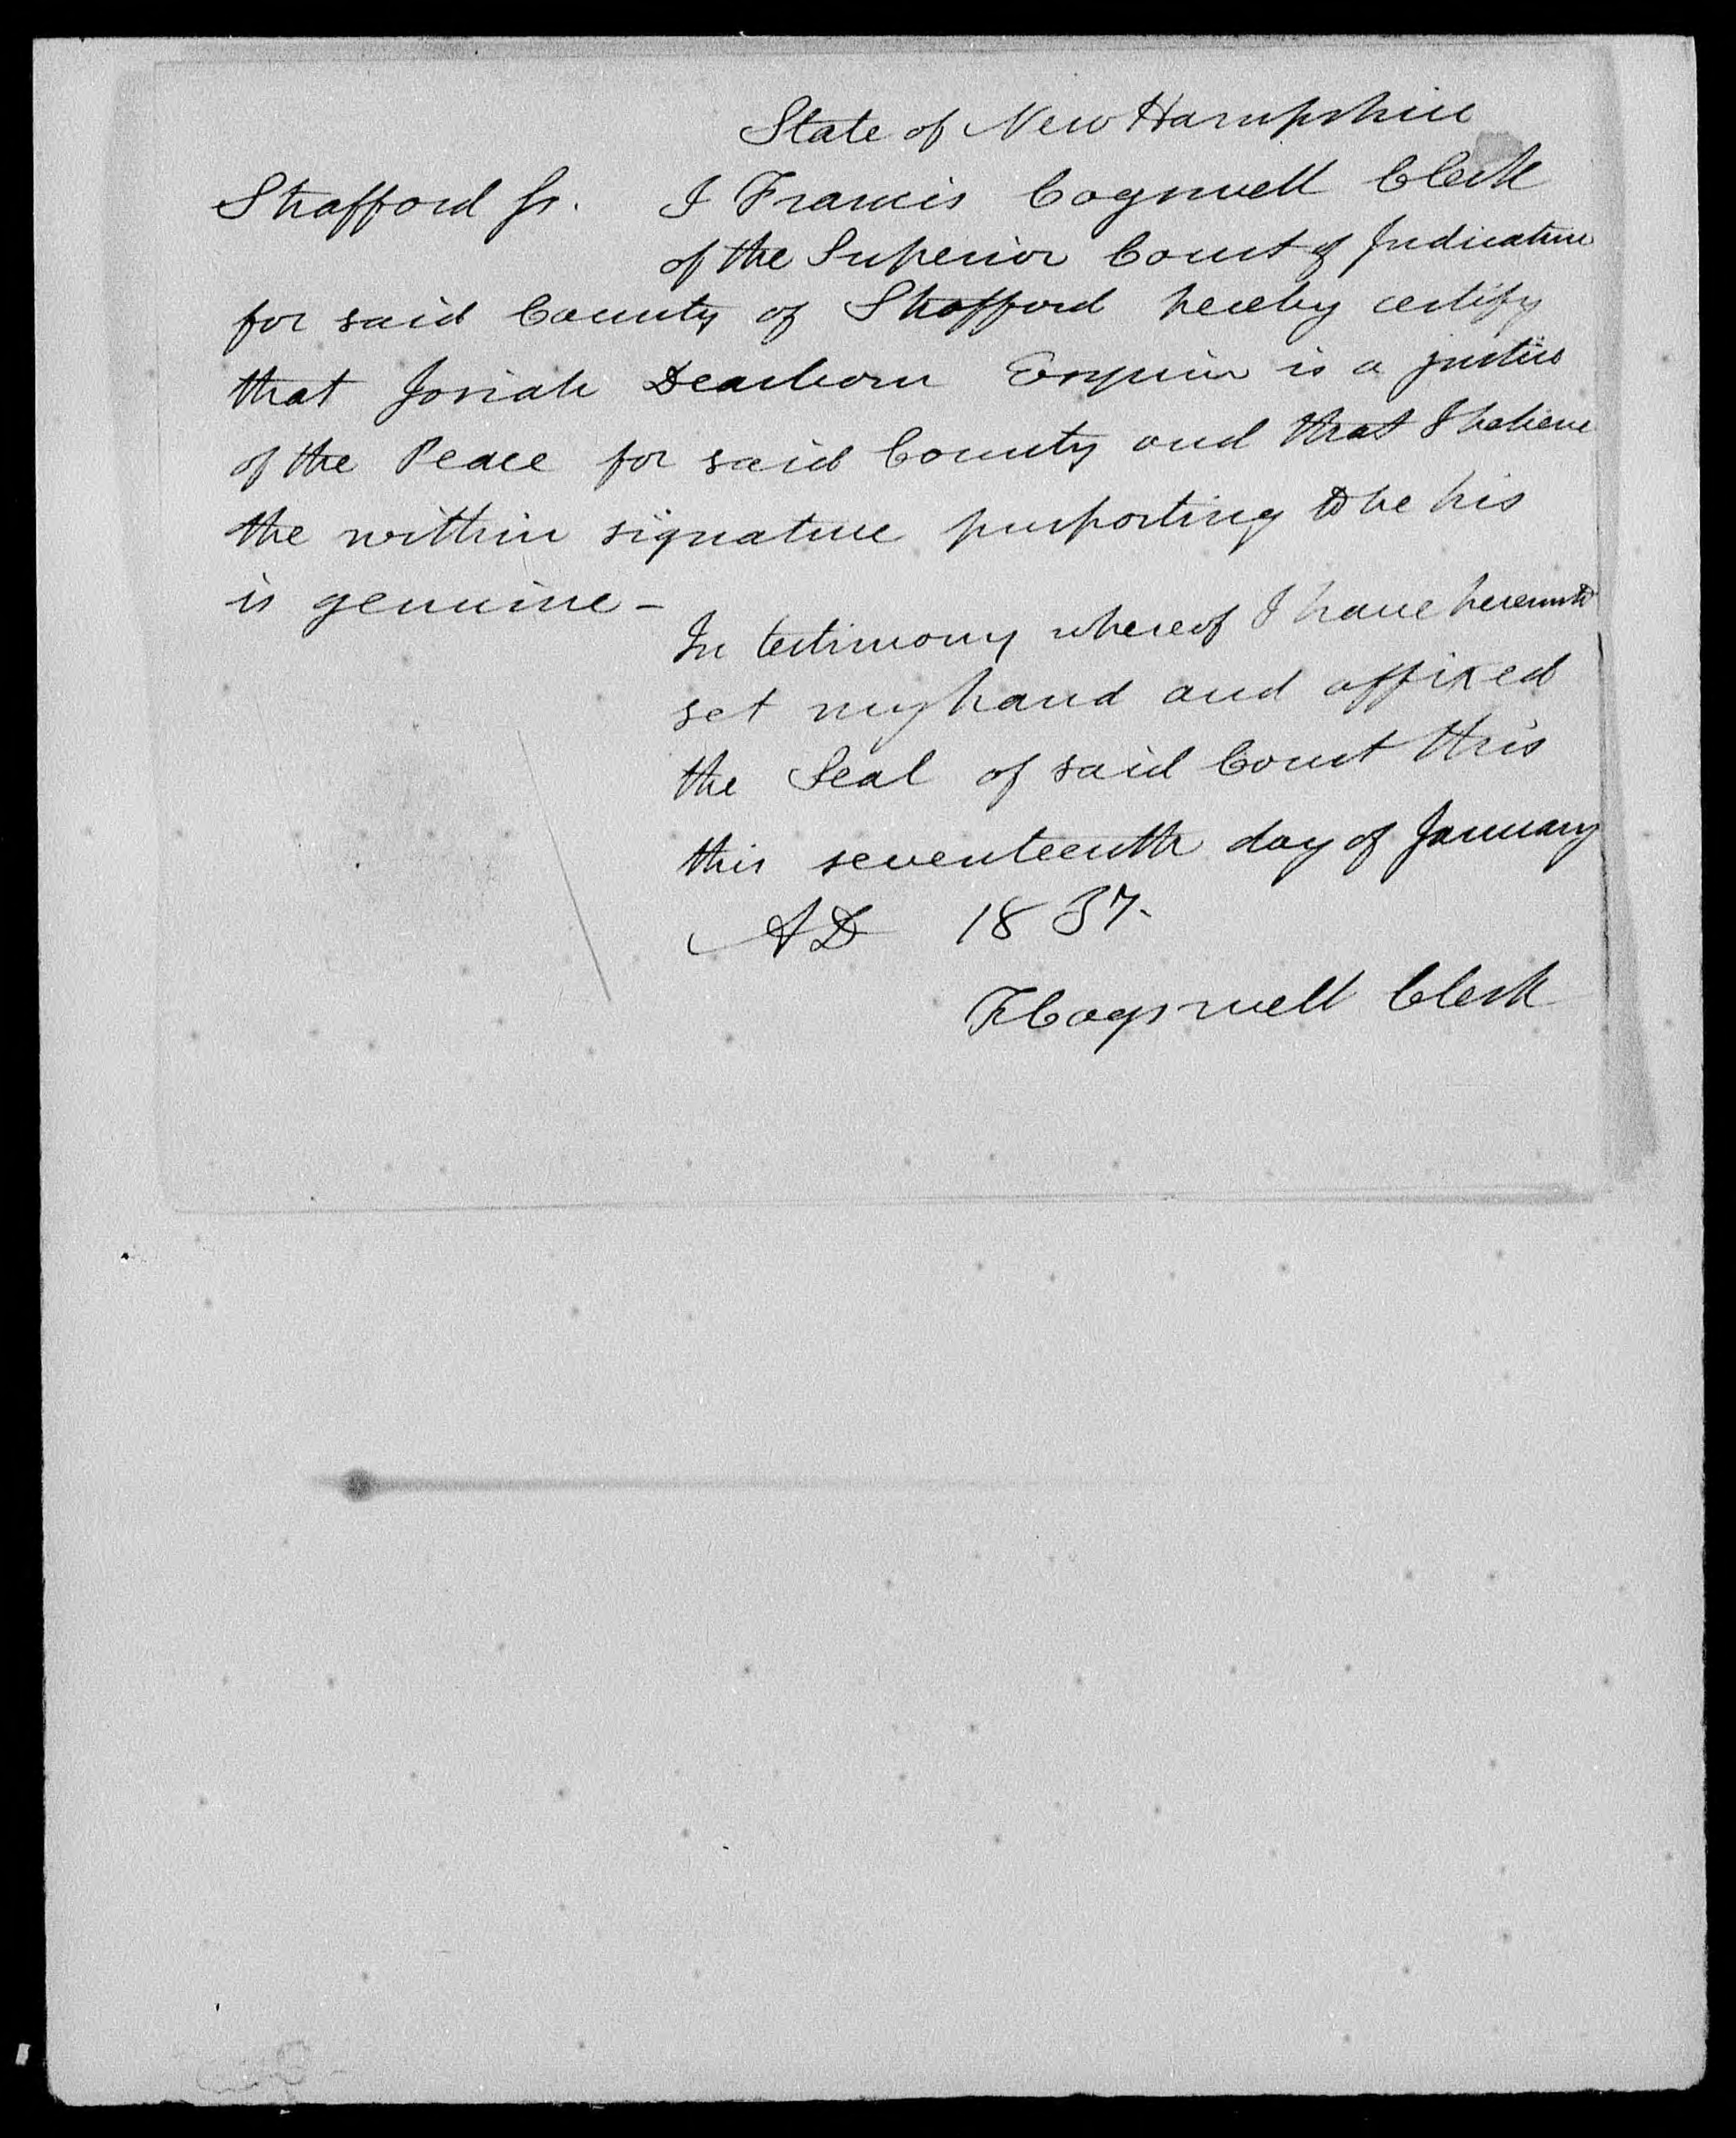State of New Hampshire
Strafford Ss. I Francis Cogswell Clerk of the Superior Court of Judicature for said County of
Stafford hereby certify that Josiah Dearborn Esquire is a Justice of the Peace for said County and that I believe the within signature purporting to be his is genuine-
In testimony whereof I have hereunto set my hand and affixed the seal of said Court this
this [sic] seventeenth day of January AD 1837
F Cogswell Clerk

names: Josiah Dearborn; Francis Cogswell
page: 20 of 35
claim: survivor's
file: S. 10912, for Daniel Jewell, New Hampshire